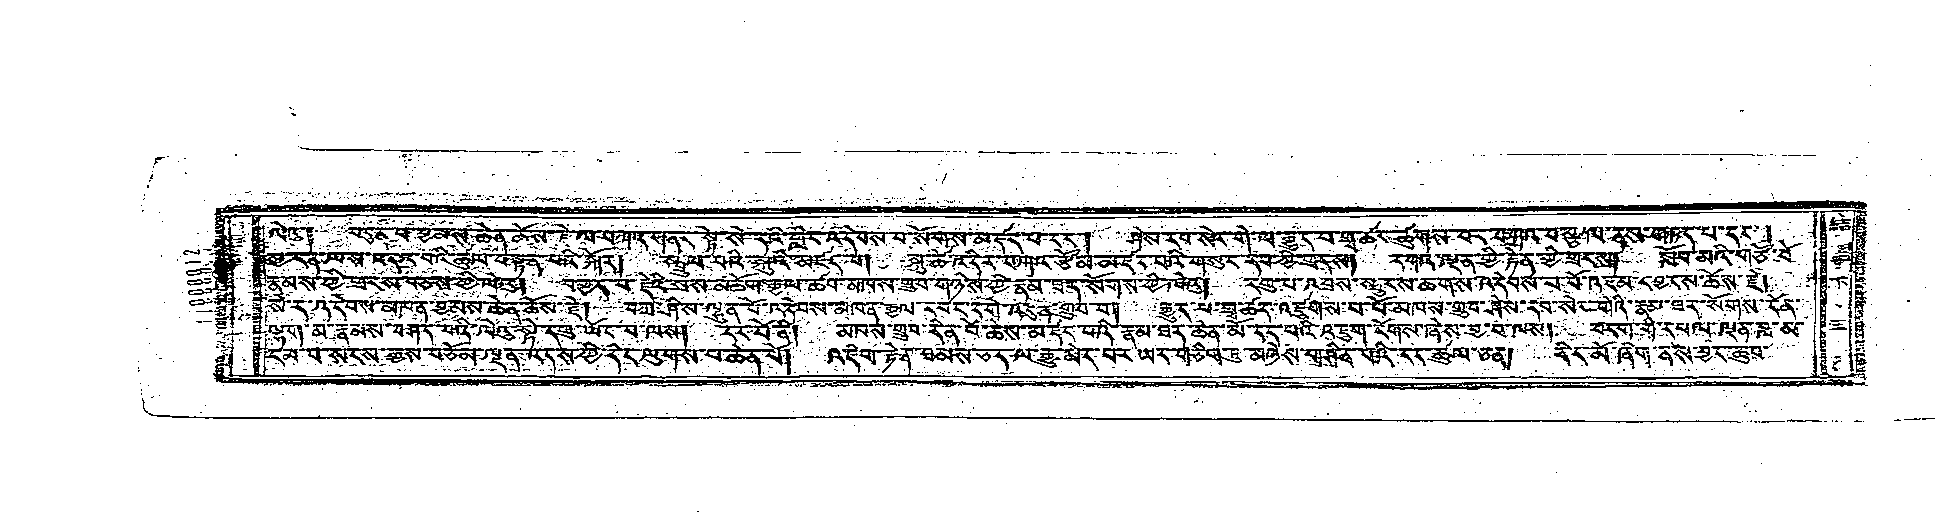ལེའུ། བདུན་པ་བྱམས་ཆེན་ཆོས་རྗེ་ལ་བཀའ་གནང་སྟེ་སེ་རའི་གླིང་འདེབས་པ་སོགས་མཛད་པ་དང་། ཤེས་རབ་སེང་གེ་ལ་རྒྱུད་པ་གྲྭ་ཚང་ཚུགས་པར་བཀའ་བསྩལ་ནས་གཏད་པ་དང་།
མྱ་ངན་ལས་འདའ་བའི་ཚུལ་བསྟན་པའི་སྐོར། སྤྲུལ་པའི་སྐུའི་མཛད་པ། སྐུ་ཚེ་འདིར་བཀའ་རྩོམ་མཛད་པའི་གསུང་རབ་ཀྱི་གྲངས། དགའ་ལྡན་གྱི་རྟེན་གྱི་གྲངས། སློབ་མའི་གཙོ་བོ་
རྣམས་ཀྱི་གྲངས་བཅས་ཀྱི་ལེའུ། བརྒྱད་པ་རྗེའི་སྲས་མཆོག་རྒྱལ་ཚབ་མཁས་གྲུབ་གཉིས་ཀྱི་རྣམ་ཐར་སོགས་ཀྱི་ལེའུ། དགུ་པ་འབྲས་སྤུངས་ཆགས་འདེབས་པ་པོ་འཇམ་དབྱངས་ཆོས་རྗེ།
སེ་ར་འདེབས་མཁན་བྱམས་ཆེན་ཆོས་རྗེ། བཀྲ་ཤིས་ལྷུན་པོ་འདེབས་མཁན་རྒྱལ་དབང་དགེ་འདུན་གྲུབ་པ། རྒྱུད་པ་གྲྭ་ཚང་འཛུགས་པ་པོ་མཁས་གྲུབ་ཤེས་རབ་སེང་གེའི་རྣམ་ཐར་སོགས་དོན་
ལྷག་མ་རྣམས་བཤད་བའི་ལེའུ་སྟེ་དགུ་ཡོང་པ་ལས། དང་བོ་ནི། མཁས་གྲུབ་རིན་པོ་ཆེས་མཛད་པའི་རྣམ་ཐར་ཆེན་མོ་དད་བའི་འཇུག་རོགས་ཞེས་བྱ་བ་ལས། བདག་གི་དཔལ་ལྡན་བླ་མ་
དམ་པ་སངས་རྒྱས་བཅོམ་ལྡན་འདས་ཀྱི་རིང་ལུགས་པ་ཆེན་པོ། འཇིག་རྟེན་ཐམས་ཅད་ལ་རྒྱུ་མེད་པར་ཡང་གཅིག་ཏུ་མཉེས་གཤིན་པའི་ངང་ཚུལ་ཅན། རིང་མོ་ཞིག་ནས་བྱང་ཆུབ་